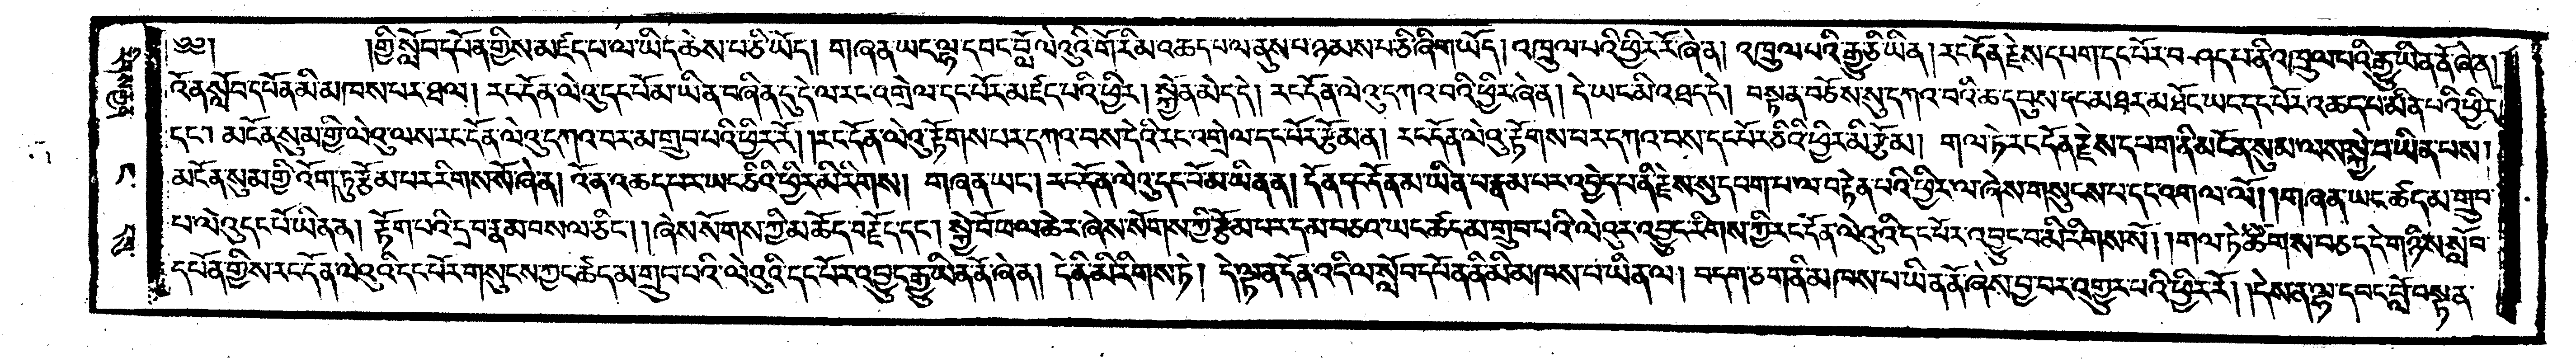༄༅། །གྱི་སློབ་དཔོན་གྱིས་མཛད་པ་ལ་ཡིད་ཆེས་པ་ཅི་ཡོད། གཞན་ཡང་ལྷ་དབང་བློ་ལེའུའི་གོ་རིམ་འཆད་པ་ལ་ནུས་པ་ཉམས་པ་ཅི་ཞིག་ཡོད། འཁྲུལ་པའི་ཕྱིར་རོ་ཞེ་ན། འཁྲུལ་པའི་རྒྱུ་ཅི་ཡིན། རང་དོན་རྗེས་དཔག་དང་པོར་བཤད་པ་ནི་འཁྲུལ་པའི་རྒྱུ་ཡིན་ནོ་ཞེ་ན།
འོ་ན་སློབ་དཔོན་མི་མཁས་པར་ཐལ། རང་དོན་ལེའུ་དང་པོ་མ་ཡིན་བཞིན་དུ་དེ་ལ་རང་འགྲེལ་དང་པོར་མཛད་པའི་ཕྱིར། སྐྱོན་མེད་དེ། རང་དོན་ལེའུ་དཀའ་བའི་ཕྱིར་ཞེ་ན། དེ་ཡང་མི་འཐད་དེ། བསྟན་བཅོས་སུ་དཀའ་བའི་ཆ་དབུས་དང་མཐར་མཐོང་ཡང་དང་པོར་འཆད་པ་མིན་པའི་ཕྱིར་
དང་། མངོན་སུམ་གྱི་ལེའུ་ལས་རང་དོན་ལེའུ་དཀའ་བར་མ་གྲུབ་པའི་ཕྱིར་རོ། །རང་དོན་ལེའུ་རྟོགས་པར་དཀའ་བས་དེའི་རང་འགྲེལ་དང་པོར་རྩོམ་ན། རང་དོན་ལེའུ་རྟོགས་པར་དཀའ་བས་དང་པོར་ཅིའི་ཕྱིར་མི་རྩོམ། གལ་ཏེ་རང་དོན་རྗེས་དཔག་ནི་མངོན་སུམ་ལས་སྐྱེ་བ་ཡིན་པས།
མངོན་སུམ་གྱི་འོག་ཏུ་རྩོམ་པར་རིགས་སོ་ཞེ་ན། འོ་ན་འཆད་པར་ཡང་ཅིའི་ཕྱིར་མི་རིགས། གཞན་ཡང་། རང་དོན་ལེའུ་དང་པོ་མ་ཡིན་ན། དོན་དང་དོན་མ་ཡིན་པ་རྣམ་པར་འབྱེད་པ་ནི་རྗེས་སུ་དཔག་པ་ལ་བརྟེན་པའི་ཕྱིར་ལ་ཞེས་གསུངས་པ་དང་འགལ་ལོ། །གཞན་ཡང་ཚད་མ་གྲུབ་
པ་ལེའུ་དང་པོ་ཡིན་ན། རྟོག་པའི་དྲ་བ་རྣམ་བསལ་ཅིང་། །ཞེས་སོགས་ཀྱི་མཆོད་བརྗོད་དང་། སྐྱེ་བོ་ཕལ་ཆེར་ཞེས་སོགས་ཀྱི་རྩོམ་པར་དམ་བཅའ་ཡང་ཚད་མ་གྲུབ་པའི་ལེའུར་འབྱུང་རིགས་ཀྱི་རང་དོན་ལེའུའི་དང་པོར་འབྱུང་བ་མི་རིགས་སོ། །གལ་ཏེ་ཚིགས་བཅད་དེ་གཉིས་སློབ་
དཔོན་གྱིས་རང་དོན་ལེའུའི་དང་པོར་གསུངས་ཀྱང་ཚད་མ་གྲུབ་པའི་ལེའུའི་དང་པོར་འབྱུང་རྒྱུ་ཡིན་ནོ་ཞེ་ན། དེ་ནི་མི་རིགས་ཏེ། དེ་ལྟ་ན་དོན་འདི་ལ་སློབ་དཔོན་ནི་མི་མཁས་པ་ཡིན་ལ། བདག་ཅག་ནི་མཁས་པ་ཡིན་ནོ་ཞེས་བྱ་བར་འགྱུར་བའི་ཕྱིར་རོ། །དེས་ན་ལྷ་དབང་བློ་བསྟན་